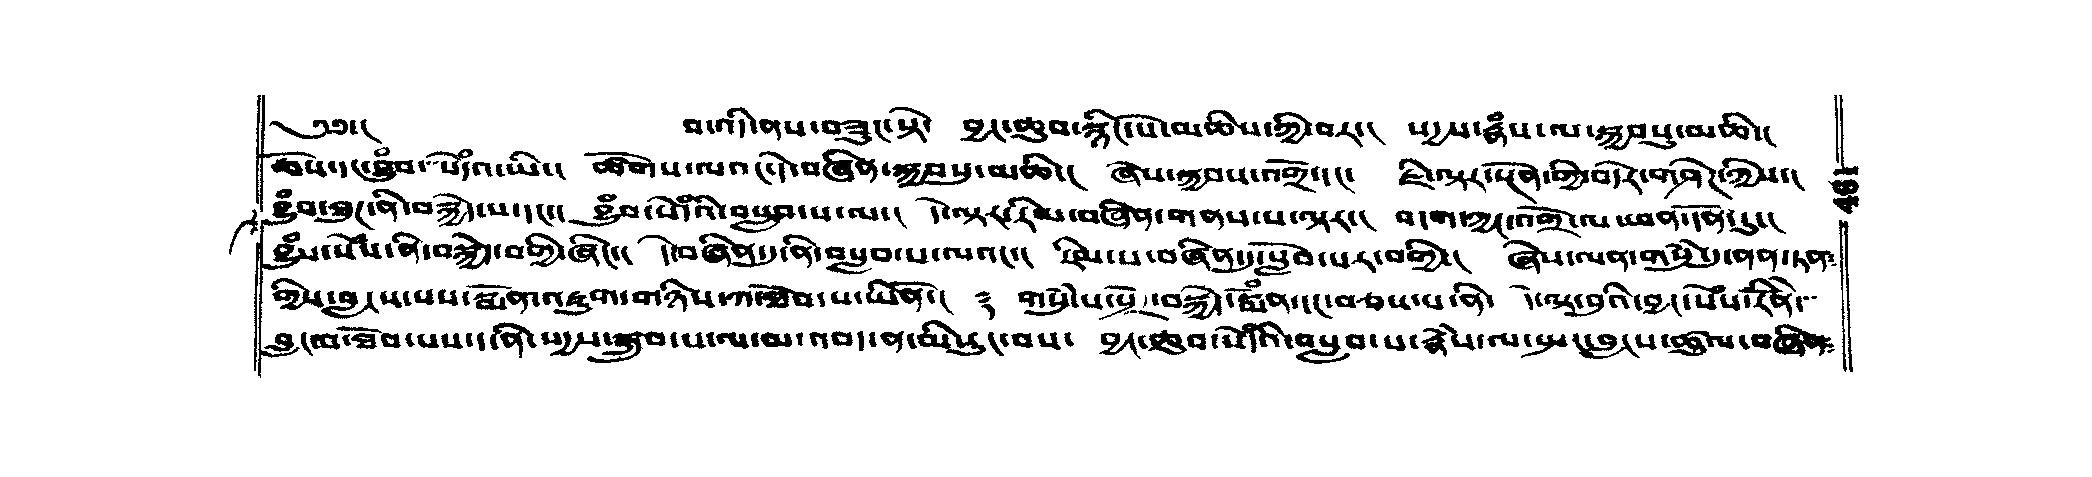བ་འདི་ནས་བཟུང་སྟེ། བྱང་ཆུབ་སྙིང་པོ་མཆིས་ཀྱི་བར། །སངས་རྒྱས་རྣམས་ལ་སྐྱབས་སུ་མཆི། །
ཆོས་དང་བྱང་ཆུབ་སེམས་དཔའ་ཡི། །ཚོགས་ལའང་དེ་བཞིན་སྐྱབས་སུ་མཆི། །ཞེས་སྐྱབས་འགྲོ་དང་། ཇི་ལྟར་སྔོན་གྱི་བདེར་བཤེགས་ཀྱིས། །
བྱང་ཆུབ་ཐུགས་ནི་བསྐྱེད་པ་དང་། །བྱང་ཆུབ་སེམས་དཔའི་བསླབ་པ་ལ། །དེ་ལྟར་རིམ་བཞིན་གནས་པ་ལྟར། །བདག་ཀྱང་འགྲོ་ལ་ཕན་དོན་དུ། །
བྱང་ཆུབ་སེམས་ནི་བསྐྱེད་བགྱི་ཞིང་། །དེ་བཞིན་དུ་ནི་བསླབ་པ་ལའང་། །རིམ་པ་བཞིན་དུ་སློབ་པར་བགྱི། །ཞེས་ལན་གསུམ་དུ་ནན་ཏན་
གྱིས་བླངས་པས་སྨོན་འཇུག་གཉིས་ཀ་ཐོབ་པ་ཡིན་ནོ། ༈ གསུམ་པ་སྤྲོ་བསྐྱེད་སྨོན་ལམ་དང་བཅས་པ་ནི།དེ་ལྟ་བུའི་བྱང་སེམས་རིན་པོ་ཆེ་
བླང་བ་ཐོབ་པས་ད་ནི་སངས་རྒྱས་སྒྲུབ་པ་ལ་འབད་ན་མི་རུང་བས། བྱང་ཆུབ་སེམས་དཔའི་བསླབ་པ་རྣམས་ལ་སྤང་བླང་ཚུལ་བཞིན་